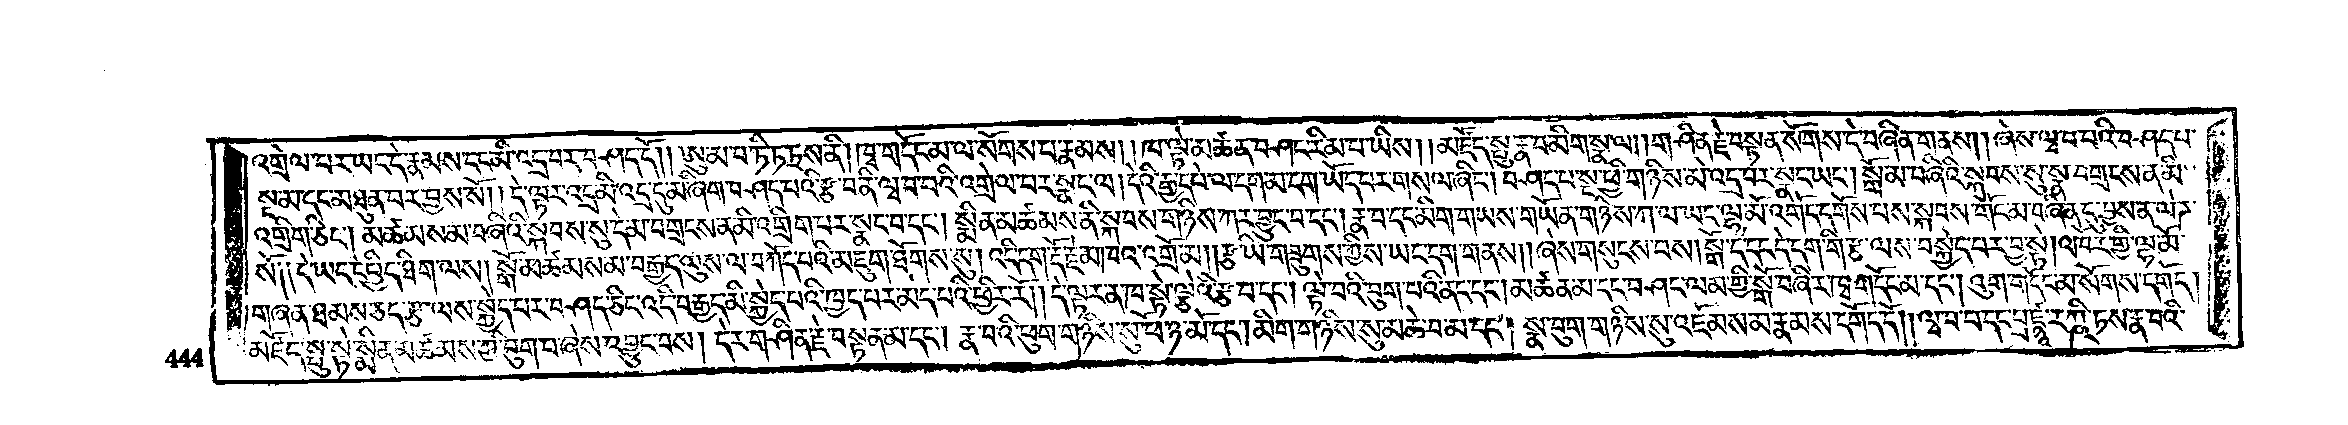འགྲེལ་པར་ཡང་དེ་རྣམས་དང་མི་འདྲ་བར་བཤད་དོ། །ཨུ་མ་པ་ཏི་ཏ་ཏྲས་ནི། ཁྭ་གདོང་མ་ལ་སོགས་པ་རྣམས། །ཁ་ལྟེ་མཚན་བཤང་རིམ་པ་ཡིས། །མཛོད་སྤུ་རྣ་བ་མིག་སྣ་ལ། །གཤིན་རྗེ་བསྟན་སོགས་དེ་བཞིན་གནས། །ཞེས་ལྭ་བ་པའི་བཤད་པ་
སྔ་མ་དང་མཐུན་པར་བྱས་སོ། །དེ་ལྟར་འདྲ་མི་འདྲ་དུ་མ་ཞིག་བཤད་པའི་རྩ་བ་ནི་ལྭ་བ་པའི་འགྲེལ་པར་སྣང་ལ། དེའི་རྒྱ་དཔེ་ལ་དག་མ་དག་ཡོད་པར་གསལ་ཞིང་། བཤད་པ་སྔ་ཕྱི་གཉིས་མི་འདྲ་བར་སྣང་ཡང་། སྒོ་མ་བཞིའི་སྐབས་སུ་སྣ་བགྲངས་ན་མི་
འགྲིག་ཅིང་། མཚམས་མ་བཞིའི་སྐབས་སུ་དེ་མ་བགྲངས་ན་མི་འགྲིག་པར་སྣང་བ་དང་། སྨིན་མཚམས་ནི་སྐབས་གཉིས་ཀར་བྱུང་བ་དང་། རྣ་བ་དང་མིག་གཡས་གཡོན་གཉིས་ཀ་ལ་ཡང་ལྷ་མོ་འགོད་དགོས་པས་སྐབས་གོང་མ་བཞིན་དུ་བྱས་ན་ལེགས་
སོ། །དེ་ཡང་དཔྱིད་ཐིག་ལས། སྒོ་མཚམས་མ་བརྒྱད་ལུས་ལ་བཀེད་པའི་མཇུག་ཐོགས་སུ། འདི་དག་རྡོ་རྗེ་མཁའ་འགྲོ་མ། །རྩ་ཡི་གཟུགས་ཀྱིས་ཡང་དག་གནས། །ཞེས་གསུངས་པས། སྒོ་དེ་དང་དེ་དག་གི་རྩ་ལས་བསྐྱེད་པར་བྱ་སྟེ། འཁོར་གྱི་ལྷ་མོ་
གཞན་ཐམས་ཅད་རྩ་ལས་སྐྱེད་པར་བཤད་ཅིང་འདི་བརྒྱད་མི་སྐྱེད་པའི་ཁྱད་པར་མེད་པའི་ཕྱིར་རོ། །དེ་ལྟར་ན་ཁ་སྟེ་ལྕེའི་རྩ་བ་དང་། ལྟེ་བའི་བུག་པའི་ནང་དང་། མཚན་མ་དང་བཤང་ལམ་གྱི་སྒོ་བཞིར་ཁྭ་གདོང་མ་དང་། འུག་གདོང་མ་སོགས་དགོད།
མཛོད་སྤུ་སྟེ་སྨིན་མཚམས་ཀྱི་བུག་པ་ཞེས་འབྱུང་བས། དེར་གཤིན་རྗེ་བསྟན་མ་དང་། རྣ་བའི་ཕུག་གཉིས་སུ་ཕོ་ཉ་མོ་དང་། མིག་གཉིས་སུ་མཆེ་བ་མ་དང་། སྣ་བུག་གཉིས་སུ་འཇོམས་མ་རྣམས་དགོད་དོ། །ལྭ་བ་པ་དང་པྲཛྙཱ་རཀྵི་ཏས་རྣ་བའི་